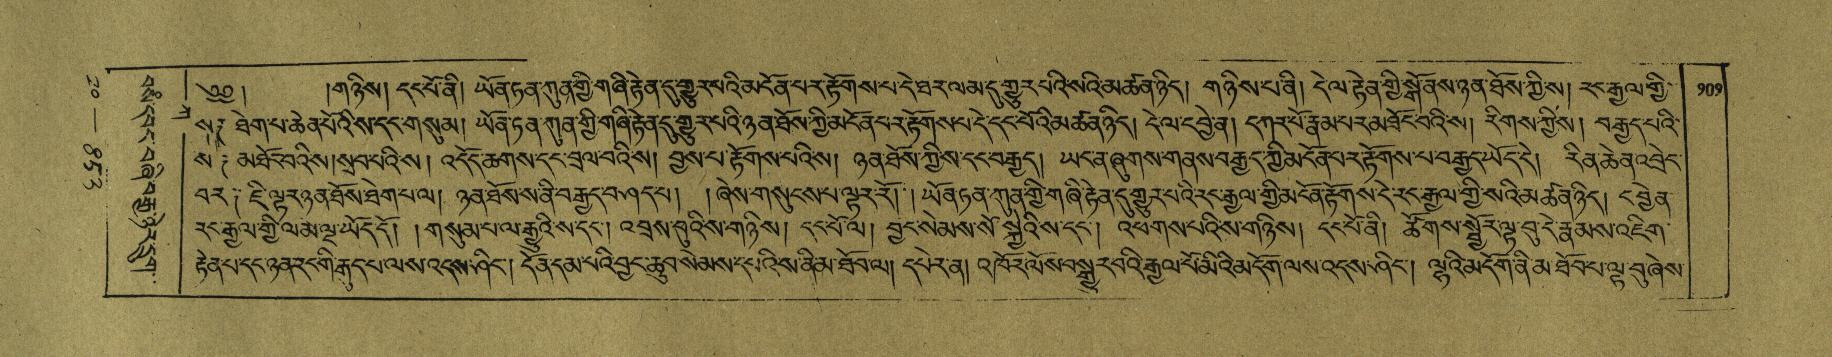༄༅། །གཉིས། དང་པོ་ནི། ཡོན་ཏན་ཀུན་གྱི་གཞི་རྟེན་དུ་གྱུར་པའི་མངོན་པར་རྟོགས་པ་དེ་ཐར་ལམ་དུ་གྱུར་པའི་སའི་མཚན་ཉིད། གཉིས་པ་ནི། དེ་ལ་རྟེན་གྱི་སྒོ་ནས་ཉན་ཐོས་ཀྱིས། རང་རྒྱལ་གྱི་
ས༑ ཐེག་པ་ཆེན་པོའི་ས་དང་གསུམ། ཡོན་ཏན་ཀུན་གྱི་གཞི་རྟེན་དུ་གྱུར་པའི་ཉན་ཐོས་ཀྱི་མངོན་པར་རྟོགས་པ་དེ་དང་པོའི་མཚན་ཉིད། དེ་ལ་དབྱེ་ན། དཀར་པོ་རྣམ་པར་མཐོང་བའི་ས། རིགས་ཀྱིས། བརྒྱད་པའི་
ས༑ མཐོང་བའི་ས། སྲབ་པའི་ས། འདོད་ཆགས་དང་བྲལ་བའི་ས། བྱས་པ་རྟོགས་པའི་ས། ཉན་ཐོས་ཀྱི་ས་དང་བརྒྱད། ཡང་ན་ཞུགས་གནས་བརྒྱད་ཀྱི་མངོན་པར་རྟོགས་པ་བརྒྱད་ཡོད་དེ། རིན་ཆེན་འབྲེང་
བར་༑ཇི་ལྟར་ཉན་ཐོས་ཐེག་པ་ལ། ཉན་ཐོས་ས་ནི་བརྒྱད་བཤད་པ། །ཞེས་གསུངས་པ་ལྟར་རོ། །ཡོན་ཏན་ཀུན་གྱི་གཞི་རྟེན་དུ་གྱུར་པའི་རང་རྒྱལ་གྱི་མངོན་རྟོགས་དེ་རང་རྒྱལ་གྱི་སའི་མཚན་ཉིད། དབྱེན་
རང་རྒྱལ་གྱི་ལམ་ལྔ་ཡོད་དོ། །གསུམ་པ་ལ་རྒྱུའི་ས་དང་། འབྲས་བུའི་ས་གཉིས། དང་པོ་ལ། བྱང་སེམས་སོ་སྐྱེའི་ས་དང་། འཕགས་པའི་ས་གཉིས། དང་པོ་ནི། ཚོགས་སྦྱོར་ལྟ་བུ་དེ་རྣམས་འཇིག་
རྟེན་པ་དང་ཉན་རང་གི་རྒུད་པ་ལས་འདས་ཤིང་། དོན་དམ་པའི་བྱང་ཆུབ་སེམས་དཔའི་ས་ནི་མ་ཐོབ་ལ། དཔེར་ན། འཁོར་ལོས་བསྒྱུར་བའི་རྒྱལ་པོ་མིའི་མདོག་ལས་འདས་ཤིང་། ལྷའི་མདོག་ནི་མ་ཐོབ་པ་ལྟ་བུ་ཞེས་